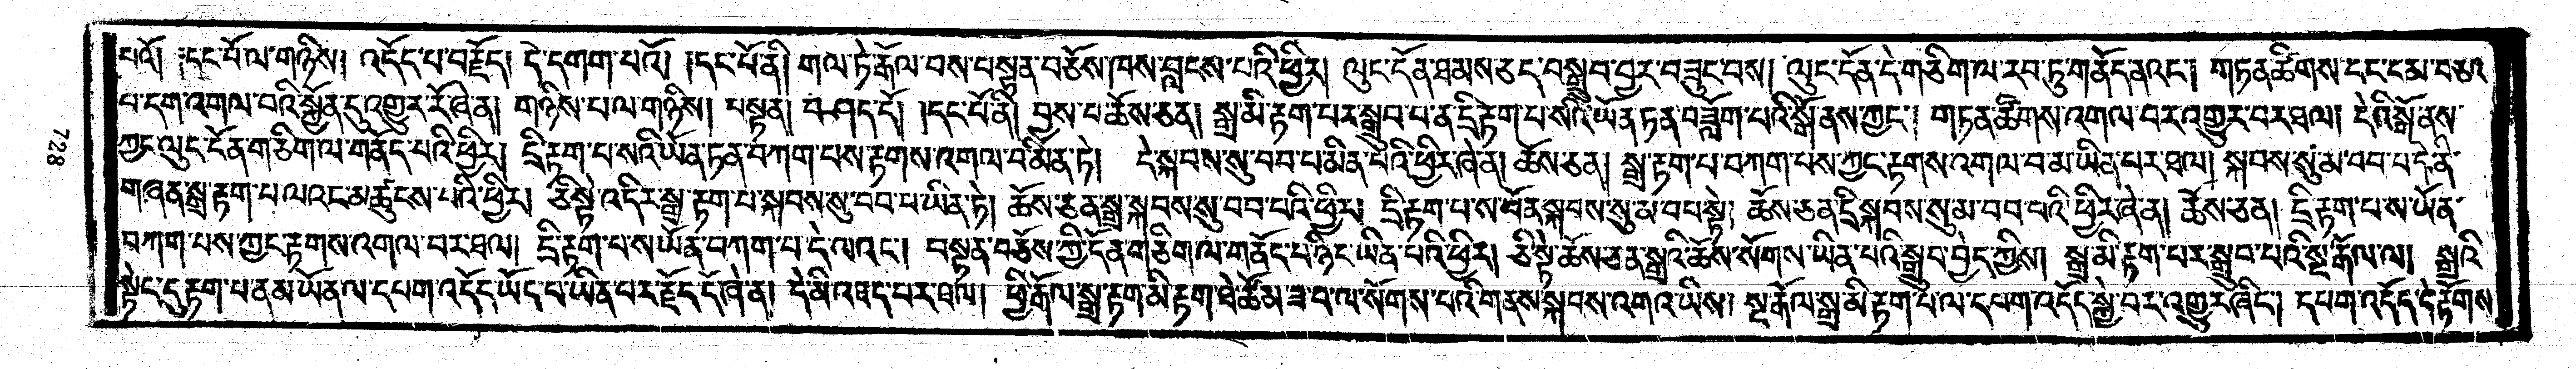པའོ། ༑དང་པོ་ལ་གཉིས། འདོད་པ་བརྗོད། དེ་དགག་པའོ། །དང་པོ་ནི། གལ་ཏེ་རྒོལ་བས་བསྟན་བཅོས་ཁས་བླངས་པའི་ཕྱིར། ལུང་དོན་ཐམས་ཅད་བསྒྲུབ་བྱར་བཟུང་བས། ལུང་དོན་དེ་གཅིག་ལ་རབ་ཏུ་གནོད་ནའང་། གཏན་ཚིགས་དང་དམ་བཅའ་
པ་དག་འགལ་བའི་སྐྱོན་དུ་འགྱུར་རོ་ཞེ་ན། གཉིས་པ་ལ་གཉིས། བསྟན། བཤད་དོ། །དང་པོ་ནི། བྱས་པ་ཆོས་ཅན། སྒྲ་མི་རྟག་པར་སྒྲུབ་པ་ནི་དྲི་རྟག་པ་སའི་ཡོན་ཏན་བཟློག་པའི་སྒོ་ནས་ཀྱང་། གཏན་ཚིགས་འགལ་བར་འགྱུར་བར་ཐལ། དེའི་སྒོ་ནས་
ཀྱང་ལུང་དོན་གཅིག་ལ་གནོད་པའི་ཕྱིར། དྲི་རྟག་པ་སའི་ཡོན་ཏན་བཀག་པས་རྟགས་འགལ་བ་མིན་ཏེ། དེ་སྐབས་སུ་བབ་པ་མིན་པའི་ཕྱིར་ཞེ་ན། ཆོས་ཅན། སྒྲ་རྟག་པ་བཀག་པས་ཀྱང་རྟགས་འགལ་བ་མ་ཡིན་པར་ཐལ། སྐབས་སུ་མ་བབ་པ་དེ་ནི་
གཞན་སྒྲ་རྟག་པ་ལའང་མཚུངས་པའི་ཕྱིར། ཅི་སྟེ་འདིར་སྒྲ་རྟག་པ་སྐབས་སུ་བབ་པ་ཡིན་ཏེ། ཆོས་ཅན་སྒྲ་སྐབས་སུ་བབ་པའི་ཕྱིར། དྲི་རྟག་པ་ས་བོན་སྐབས་སུ་མ་བབ་སྟེ། ཆོས་ཅན་དྲི་སྐབས་སུ་མ་བབ་པའི་ཕྱིར་ཞེ་ན། ཆོས་ཅན། དྲི་རྟག་པ་ས་ཡོན་
བཀག་པས་ཀྱང་རྟགས་འགལ་བར་ཐལ། དྲི་རྟག་པ་ས་ཡོན་བཀག་པ་དེ་ལའང་། བསྟན་བཅོས་ཀྱི་དོན་གཅིག་ལ་གནོད་པ་ཉིད་ཡིན་པའི་ཕྱིར། ཅི་སྟེ་ཆོས་ཅན་སྒྲའི་ཆོས་སོགས་ཡིན་པའི་སྒྲུབ་བྱེད་ཀྱིས། སྒྲ་མི་རྟག་པར་སྒྲུབ་པའི་སྔ་རྒོལ་ལ། སྒྲའི་
སྟེང་དུ་རྟག་པ་ནམ་ཡོན་ལ་དཔག་འདོད་ཡོད་པ་ཡིན་པར་རྗོད་དོ་ཞེ་ན། དེ་མི་འཐད་པར་ཐལ། ཕྱི་རྒོལ་སྒྲ་རྟག་མི་རྟག་ཐེ་ཚོམ་ཟ་བ་ལ་སོགས་པའི་གནས་སྐབས་འགའ་ཡིས། སྔ་རྒོལ་སྒྲ་མི་རྟག་པ་ལ་དཔག་འདོད་སྐྱེ་བར་འགྱུར་ཞིང་། དཔག་འདོད་དེ་རྟོགས་